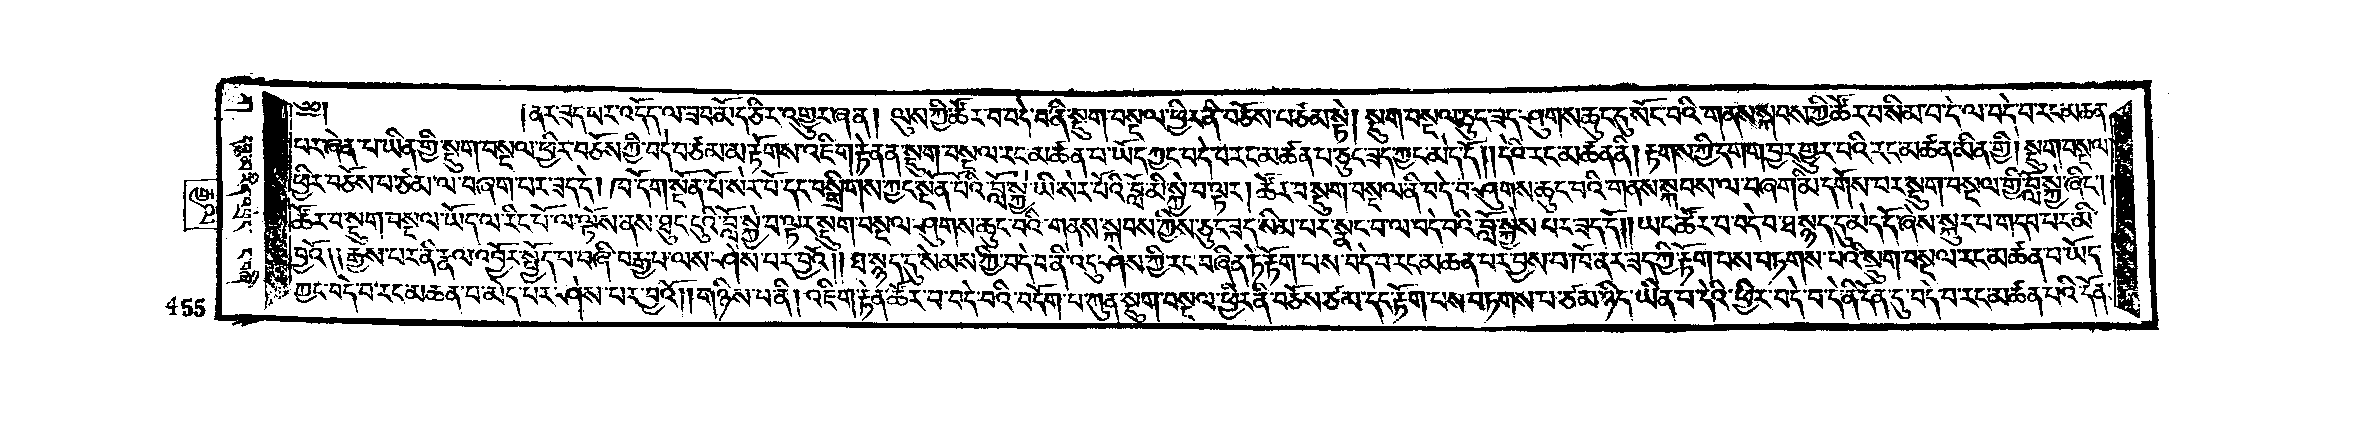༄༅། །ནར་ཟད་པར་འདོད་ལ་ཟབ་མོད་ཅིར་འགྱུར་ཞ་ན། ལུས་ཀྱི་ཚོར་བ་བདེ་བ་ནི་སྡུག་བསྔལ་ཕྱིར་ནི་བཅོས་པ་ཙམ་སྟེ། སྡུག་བསྔལ་ཅུང་ཟད་ཤུགས་ཆུང་ངུ་སོང་བའི་གནས་སྐབས་ཀྱི་ཚོར་བ་སིམ་པ་དེ་ལ་བདེ་བ་རང་མཚན་
པར་ཞེན་པ་ཡིན་གྱི་སྡུག་བསྔལ་ཕྱིར་བཅོས་ཀྱི་བདེ་བ་ཙམ་མ་རྟོགས་འཇིག་རྟེན་ན་སྡུག་བསྔལ་རང་མཚན་པ་ཡོད་ཀྱང་བདེ་བ་རང་མཚན་པ་ཅུང་ཟད་ཀྱང་མེད་དོ། །དེའི་རང་མཚན་ནི། རྟགས་ཀྱི་དགག་བྱར་གྱུར་པའི་རང་མཚན་མིན་གྱི། སྡུག་བསྔལ་
ཕྱིར་བཅོས་པ་ཙམ་ལ་བཞག་པར་ཟད་དེ། ཁ་དོག་སྔོན་པོ་སེར་པོ་དང་བསྒྲིགས་ཀྱང་སྔོན་པོའི་བློ་སྐྱེ་ཡི་སེར་པོའི་བློ་མི་སྐྱེ་བ་ལྟར། ཚོར་བ་སྡུག་བསྔལ་ནི་བདེ་བ་ཤུགས་ཆུང་བའི་གནས་སྐབས་ལ་བཞག་མི་དགོས་པར་སྡུག་བསྔལ་གྱི་བློ་སྐྱེ་ཞིང་།
ཚོར་བ་སྡུག་བསྔལ་ཡོད་ལ་རིང་པོ་ལ་ལྟོས་ནས་ཐུང་ངུའི་བློ་སྐྱེ་བ་ལྟར་སྡུག་བསྔལ་ཤུགས་ཆུང་བའི་གནས་སྐབས་ཀྱིས་ཅུང་ཟད་སིམ་པར་སྣང་བ་ལ་བདེ་བའི་བློ་སྐྱེས་པར་ཟད་དོ། །ཡང་ཚོར་བ་བདེ་བ་ཐ་སྙད་དུ་མེད་དོ་ཞེས་སྐུར་བ་གདབ་པར་མི་
བྱའོ། །རྒྱས་པར་ནི་རྣལ་འབྱོར་སྤྱོད་པ་བཞི་བརྒྱ་བ་ལས་ཤེས་པར་བྱའོ། །ཐ་སྙད་དུ་སེམས་ཀྱི་བདེ་བ་ནི་འདུ་ཤེས་ཀྱི་རང་བཞིན་ཏེ་རྟོག་པས་བདེ་བ་རང་མཚན་པར་བྱས་པ་ཁོ་ནར་ཟད་ཀྱི་རྟོག་པས་བཏགས་པའི་སྡུག་བསྔལ་རང་མཚན་པ་ཡོད་
ཀྱང་བདེ་བ་རང་མཚན་པ་མེད་པར་ཤེས་པར་བྱའོ། །གཉིས་པ་ནི། འཇིག་རྟེན་ཚོར་བ་བདེ་བའི་བདོག་པ་ཀུན་སྡུག་བསྔལ་ཕྱིར་ནི་བཅོས་ཙམ་དང་རྟོག་པས་བཏགས་པ་ཙམ་ཉིད་ཡིན་པ་དེའི་ཕྱིར་བདེ་བ་དེ་ནི་དོན་དུ་བདེ་བ་རང་མཚན་པའི་དོན་